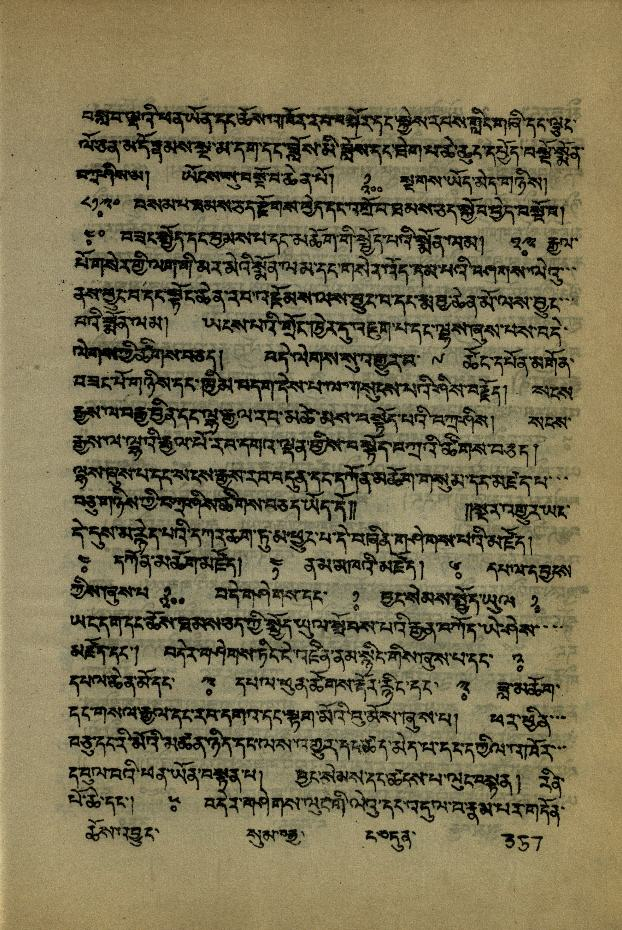བསླབ་ལྔའི་ཕན་ཡོན་དང་ཆོས་འཁོར་རབ་བསྐོར་དང་སྐྱེས་རབས་གླིང་གཞི་དང་ལྕང་
ལོ་ཅན་མདོ་རྣམས་སྔ་མ་དག་དང་ཟློས་མི་ཟློས་དང་ཐེག་པ་ཆེ་ཆུང་དཔྱོད་བསྔོ་སྨོན་
བཀྲ་ཤིས་མ། ཡོངས་སུ་བསྔོ་བ་ཆེན་པོ། ༡༢༠༠་སྔགས་ཡོད་མེད་གཉིས།
༨༡༣༠་བསམ་པ་ཐམས་ཅད་རྫོགས་བྱེད་དང་འགྲོ་བ་ཐམས་ཅད་སྐྱོབ་བྱེད་བསྔོ་བ།
༤༠་བཟང་སྤྱོད་དང་བྱམས་པ་དང་མཆོག་གི་སྤྱོད་པའི་སྨོན་ལམ། ༢༣་རྒྱལ་
པོ་གསེར་གྱི་ལག་གི་མར་མེའི་སྨོན་ལམ་དང་གསེར་འོད་དམ་པའི་བཤགས་ལེའུ་
ནས་ཕྱུང་བ་དང་སྟོང་ཆེན་རབ་འཇོམས་ལས་བྱུང་པ་དང་རྨ་བྱ་ཆེན་མོ་ལས་བྱུང་
པའི་སྨོན་ལམ། ཡངས་པའི་གྲོང་ཁྱེར་དུ་འཇུག་པ་དང་ལྷས་ཞུས་པས་བདེ་
ལེགས་ཀྱི་ཚིགས་བཅད། བདེ་ལེགས་སུ་འགྱུར་པ ༧་ཚོང་དཔོན་མགོན་
བཟང་པོ་གཉིས་དང་ཁྱིམ་བདག་དེས་པ་ལ་གསུངས་པའི་ཤིས་བརྗོད། སངས་
རྒྱས་ལ་བརྒྱ་བྱིན་དང་ལྷ་རྒྱལ་རབ་མཚོམས་བསྟོད་པའི་བཀྲ་ཤིས། སངས་
རྒྱས་ལ་ལྷའི་རྒྱལ་པོ་རབ་དགའ་ལྡན་གྱིས་བསྟོད་བཀྲའི་ཚིགས་བཅད།
ལྷས་ཞུས་པ་དང་སངས་རྒྱས་རབ་བདུན་དང་དཀོན་མཆོག་གསུམ་དང་མཛད་པ་
བཅུ་གཉིས་ཀྱི་བཀྲ་ཤིས་ཚིགས་བཅད་ཡོད་དོ།། །།སྔར་འགྱུར་ཡང་
དེ་དུས་མ་རྙེད་པའི་དཀར་ཆག་ཏུ་མ་ཕྱུང་པ་དེ་བཞིན་གཤེགས་པའི་མཛོད།
༤་དཀོན་མཆོག་མཛོད། ༤༡་ནམ་མཁའི་མཛོད། ༦་དཔལ་དབྱངས་
ཀྱིས་ཞུས་པ ༡༢༠༠་བདེ་གཤེགས་དང ༡་བྱང་སེམས་སྤྱོད་ཡུལ ༡
ཡང་དག་དང་ཆོས་ཐམས་ཅད་ཀྱི་སྤྱོད་ཡུལ་སྤོབས་པའི་རྒྱན་བཀོད་ཡེ་ཤེས་
མཛོད་དང་། བདེར་གཤེགས་ཏིང་ངེས་འཛིན་ནམ་སྙིང་གིས་ཞུས་པ་དང ༢
དཔལ་ཆེན་མོ་དང ༣་དཔལ་ཕུན་ཚོགས་རྡོར་རྙིང་དང་། ༣་ཟླ་མཆོག་
དང་གསལ་རྒྱལ་དང་རབ་དགའ་དང་སྟག་མོའི་བུ་མོས་ཞུས་པ། ཕར་ཕྱིན་
བཅུ་དང་རི་མོའི་མཚན་ཉིད་དང་ལས་འགྱུར་དང་ཚད་མེད་པ་དང་དཀྱིལ་འཁོར་
དབུལ་པའི་ཕན་ཡོན་བསྟན་པ། བྱང་སེམས་དང་ཚངས་པ་ལུང་བསྟན། རིན་
པོ་ཆེ་དང་། ༥་བདེར་གཤེགས་ལུང་གི་ལེའུ་དང་འདུལ་བ་རྣམ་པར་གདོན་